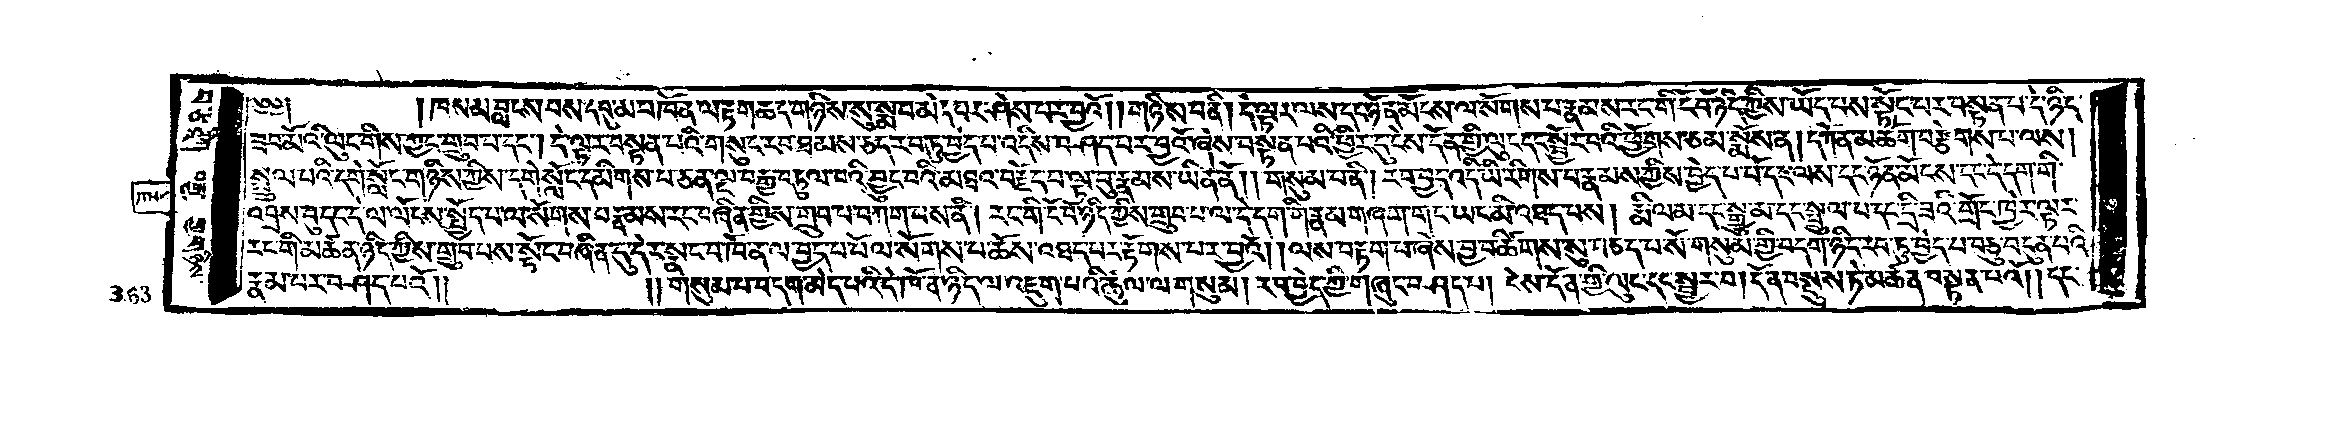༄༅། །ཁས་མ་བླངས་པས་དབུ་མ་པ་ཁོ་ན་ལ་རྟག་ཆད་གཉིས་སུ་སྨྲ་བ་མེད་པར་ཤེས་པར་བྱའོ། །གཉིས་པ་ནི། དེ་ལྟར་ལས་དང་ཉོན་མོངས་ལ་སོགས་པ་རྣམས་རང་གི་ངོ་བོ་ཉིད་ཀྱིས་ཡོད་པས་སྟོང་པར་བསྟན་པ་དེ་ཉིད་
ཟབ་མོའི་ལུང་གིས་ཀྱང་གྲུབ་པ་དང་། དེ་ལྟར་བསྟན་པའི་གསུང་རབ་ཐམས་ཅད་རབ་ཏུ་བྱེད་པ་འདིས་བཤད་པར་བྱའོ་ཞེས་བསྟན་པའི་ཕྱིར་དུ་ངེས་དོན་གྱི་ལུང་དང་སྦྱོར་བའི་ཕྱོགས་ཙམ་སྨོས་ན། དཀོན་མཆོག་བརྩེགས་པ་ལས།
སྤྲུལ་པའི་དགེ་སློང་གཉིས་ཀྱིས་དགེ་སློང་དམིགས་པ་ཅན་ལྔ་བརྒྱ་བཏུལ་བའི་བྱུང་བའི་མཐའ་བརྗོད་པ་ལྟ་བུ་རྣམས་ཡིན་ནོ། །གསུམ་པ་ནི། རབ་བྱད་འདི་ཡི་རིགས་པ་རྣམས་ཀྱིས་བྱེད་པ་པོ་དང་ལས་དང་ཉོན་མོངས་དང་དེ་དག་གི་
འབྲས་བུ་དང་དེ་ལ་ལོངས་སྤྱོད་པ་ལ་སོགས་པ་རྣམས་རང་བཞིན་གྱིས་གྲུབ་པ་བཀག་པས་ནི། རང་གི་ངོ་བོ་ཉིད་ཀྱིས་གྲུབ་པ་ལ་དེ་དག་གི་རྣམ་གཞག་གང་ཡང་མི་འཐད་པས། རྨི་ལམ་དང་སྒྱུ་མ་དང་སྤྲུལ་པ་དང་དྲི་ཟའི་གྲོང་ཁྱེར་ལྟར་
རང་གི་མཚན་ཉིད་ཀྱིས་གྲུབ་པས་སྟོང་བཞིན་དུ་དེར་སྣང་བ་ཁོ་ན་ལ་བྱད་པ་པོ་ལ་སོགས་པ་ཆེས་འཐད་པར་རྟོགས་པར་བྱའོ། །ལས་བརྟག་པ་ཞེས་བྱ་བ་ཚིགས་སུ་བཅད་པ་སོ་གསུམ་གྱི་བདག་ཉིད་རབ་ཏུ་བྱེད་པ་བཅུ་བདུན་པའི་
རྣམ་པར་བཤད་པའོ།། །།གསུམ་པ་བདག་མེད་པའི་དེ་ཁོ་ན་ཉིད་ལ་འཇུག་པའི་ཚུལ་ལ་གསུམ། རབ་བྱེད་ཀྱི་གཞུང་བཤད་པ། ངེས་དོན་གྱི་ལུང་དང་སྦྱར་བ། དོན་བསྡུས་ཏེ་མཚན་བསྟན་པའོ། །དང་